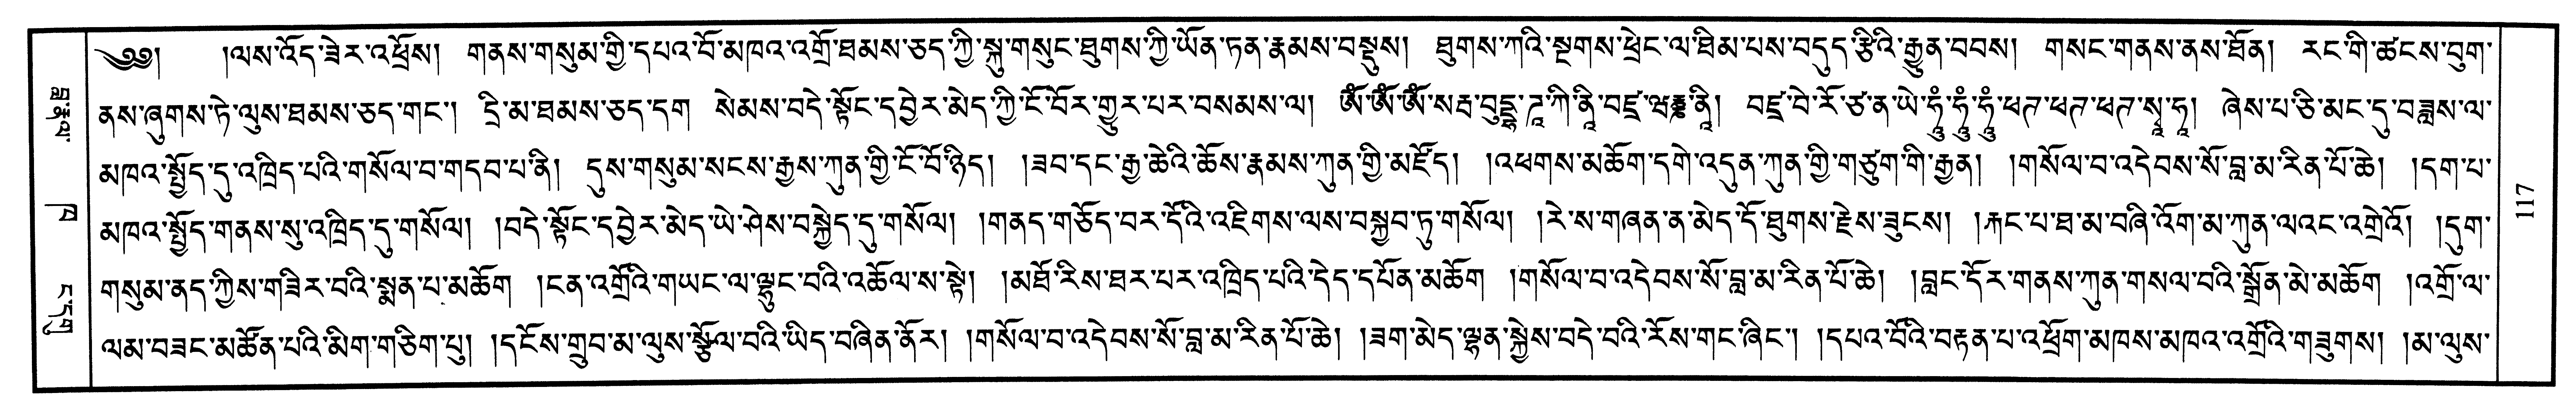༄༅། །ལས་འོད་ཟེར་འཕྲོས། གནས་གསུམ་གྱི་དཔའ་བོ་མཁའ་འགྲོ་ཐམས་ཅད་ཀྱི་སྐུ་གསུང་ཐུགས་ཀྱི་ཡོན་ཏན་རྣམས་བསྡུས། ཐུགས་ཀའི་སྔགས་ཕྲེང་ལ་ཐིམ་པས་བདུད་རྩིའི་རྒྱུན་བབས། གསང་གནས་ནས་ཐོན། རང་གི་ཚངས་བུག་
ནས་ཞུགས་ཏེ་ལུས་ཐམས་ཅད་གང་། དྲི་མ་ཐམས་ཅད་དག །སེམས་བདེ་སྟོང་དབྱེར་མེད་ཀྱི་ངོ་བོར་གྱུར་པར་བསམས་ལ། ཨོཾ་ཨོཾ་ཨོཾ་སརྦ་བུདྡྷ་ཌཱ་ཀི་ནཱི་བཛྲ་ཝརྞྞ་ནཱི། བཛྲ་བེ་རོ་ཙ་ན་ཡེ་ཧཱུཾ་ཧཱུཾ་ཧཱུཾ་ཕཊ་ཕཊ་ཕཊ་སྭཱ་ཧཱ། ཞེས་པ་ཅི་མང་དུ་བཟླས་ལ་
མཁའ་སྤྱོད་དུ་འཁྲིད་པའི་གསོལ་བ་གདབ་པ་ནི། དུས་གསུམ་སངས་རྒྱས་ཀུན་གྱི་ངོ་བོ་ཉིད། །ཟབ་དང་རྒྱ་ཆེའི་ཆོས་རྣམས་ཀུན་གྱི་མཛོད། །འཕགས་མཆོག་དགེ་འདུན་ཀུན་གྱི་གཙུག་གི་རྒྱན། །གསོལ་བ་འདེབས་སོ་བླ་མ་རིན་པོ་ཆེ། །དག་པ་
མཁའ་སྤྱོད་གནས་སུ་འཁྲིད་དུ་གསོལ། །བདེ་སྟོང་དབྱེར་མེད་ཡེ་ཤེས་བསྐྱེད་དུ་གསོལ། །གནད་གཅོད་བར་དོའི་འཇིགས་ལས་བསྐྱབ་ཏུ་གསོལ། །རེ་ས་གཞན་ན་མེད་དོ་ཐུགས་རྗེས་ཟུངས། །རྐང་པ་ཐ་མ་བཞི་འོག་མ་ཀུན་ལའང་འགྲེའོ། །དུག་
གསུམ་ནད་ཀྱིས་གཟིར་བའི་སྨན་པ་མཆོག །ངན་འགྲོའི་གཡང་ལ་ལྷུང་བའི་འཆོལ་ས་སྟེ། །མཐོ་རིས་ཐར་པར་འཁྲིད་པའི་དེད་དཔོན་མཆོག །གསོལ་བ་འདེབས་སོ་བླ་མ་རིན་པོ་ཆེ། །བླང་དོར་གནས་ཀུན་གསལ་བའི་སྒྲོན་མེ་མཆོག །འགྲོ་ལ་
ལམ་བཟང་མཚོན་པའི་མིག་གཅིག་པུ། །དངོས་གྲུབ་མ་ལུས་སྩོལ་བའི་ཡིད་བཞིན་ནོར། །གསོལ་བ་འདེབས་སོ་བླ་མ་རིན་པོ་ཆེ། །ཟག་མེད་ལྷན་སྐྱེས་བདེ་བའི་རོས་གང་ཞིང་། །དཔའ་བོའི་བརྟན་པ་འཕྲོག་མཁས་མཁའ་འགྲོའི་གཟུགས། །མ་ལུས་